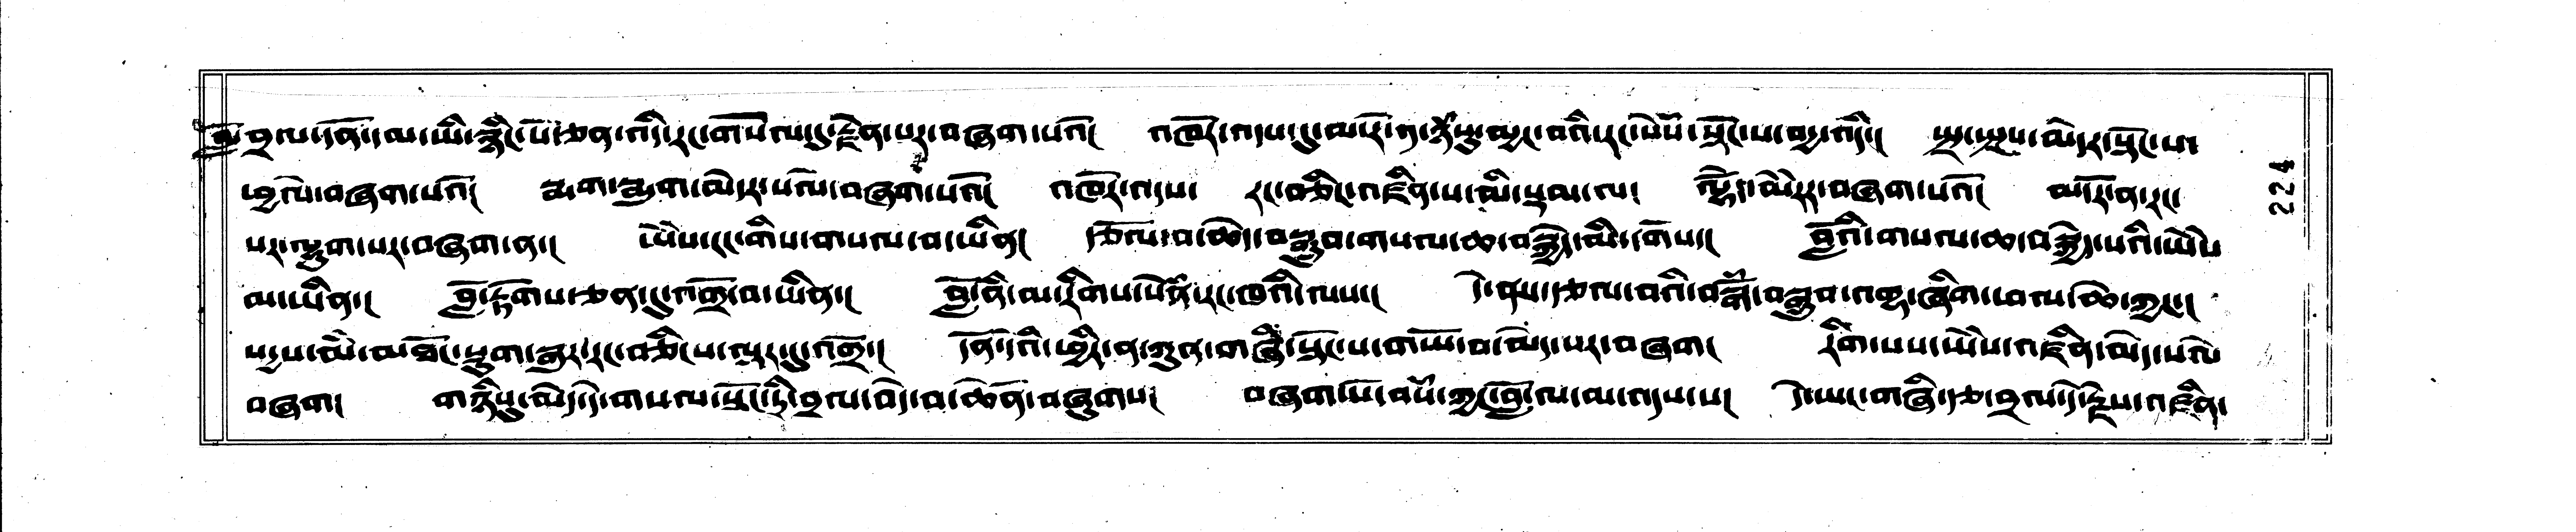བློ་བྲལ་དོན་དམ་གྱིས་སྙིང་པོ་ཅན་འདི། རང་གསལ་དུ་རྗེན་པར་བཞག་པའོ། འཁོར་འདས་དུ་མ་རོ་གཅིག་དུ་ཉམས་སུ་མྱོང་པའི། རང་སེམས་སྟོང་པ་སངས་རྒྱས་འདི། སྤྲོས་བྲལ་མེད་པར་སྟོང་
ཕྱ་ལེ་བཞག་པའོ། རྨག་རྨུག་མེད་པར་གསལ་སལེ་བཞག་པའོ། “འཁོར་འདས”རང་བཅིང་འཛིན་པས་མི་བསྡམ་ལ། ལྷོད་དེ་མེར་རེ་བཞག་པའོ། མདོར་ན་རང་སར་ལྷུག་
པར་བཞག་ན། ཡེ་ཤེས་ངང་གིས་གསལ་བ་ཡིན། རྩོལ་བ་ཆེད་སྒྲུབས་ཀྱི་གསལ་ཆ་བསྐྱེད་དུ་མི་དགོས། བློའི་གསལ་ཆ་བསྐྱེད་པས་ཡེ་ཤེས་
མ་ཡིན། བློ་རྟོག་པ་ཅན་དུ་འགྲོ་བ་ཡིན། བློ་ནི་མ་རིག་སེམས་ཅན་རང་ཁའི་ལས། དེ་ནས་རྩོལ་བའི་སྒོམ་བསྒྲུབ་འགའ་ཞིག་ཕལ་ཆེས་ཀྱང་། 
སངས་རྒྱས་མི་མཐོང་སྡུག་བསྒུར་རང་བཅིང་ལྟར་དུ་འགྲོ། དོན་དེའི་ཕྱིར་ན་ཡང་། ཀུན་གཞི་སྟོང་པ་གཡོ་བ་མེད་པར་བཞག རིག་པའི་ཡེ་ཤེས་འཛིན་མེད་སལེ་
བཞག ཉམས་སུ་ལེན་རྒྱུ་མེད་དེ་གསལ་སྟོང་དྲི་བྲལ་བདེ་བ་ཆེན་པོར་བཞག བཞག་སོ་བསམ་ཀྱང་བློ་ལས་མ་འདས་པས། དེ་ཡང་གཞི་རྩ་བྲལ་ཏེ་རྗེས་འཛིན་